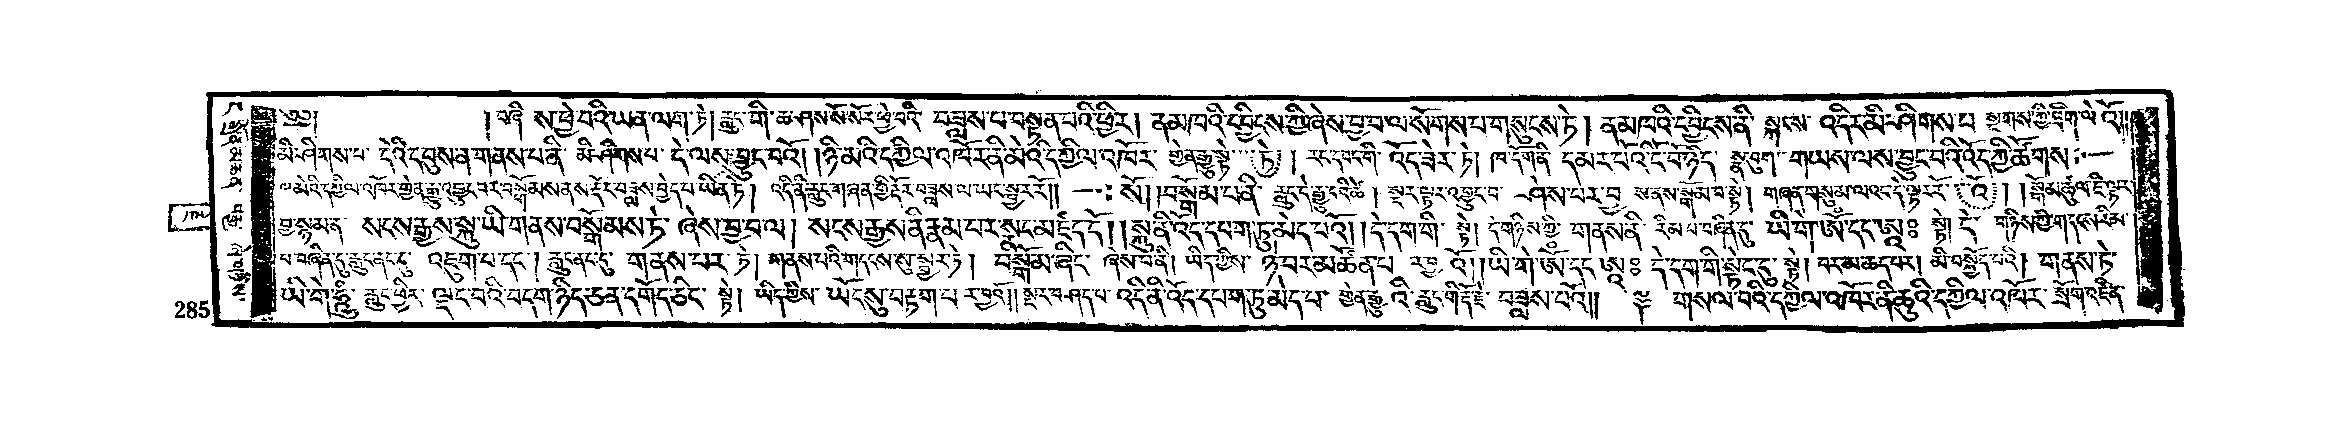༄༅། །བཞི་ས་ཕྱེ་བའི་ཡན་ལག་ཏེ། རླུང་གི་ཆ་ཤས་སོ་སོར་ཕྱེ་བའི་བཟླས་པ་བསྟན་པའི་ཕྱིར། ནམ་མཁའི་དབྱིངས་ཀྱི་ཞེས་བྱ་བ་ལ་སོགས་པ་གསུངས་ཏེ། ནམ་མཁའི་དབྱིངས་ནི་སྐབས་འདིར་མི་ཤིགས་པ་སྔགས་ཀྱི་ཐིག་ལེའོ།།
མི་ཤིགས་པ་དེའི་དབུས་ན་གནས་པ་ནི་མི་ཤིགས་པ་དེ་ལས་བྱུང་བའོ། །ཉི་མའི་དཀྱིལ་འཁོར་ནི་མེའི་དཀྱིལ་འཁོར་གྱེན་རྒྱུ་སྟེ་ཏེ། རང་དབང་གི་འོད་ཟེར་ཏེ། ཁ་དོག་ནི་དམར་པོའི་ངོ་བོ་ཉིད་སྣ་བུག་གཡས་ལས་བྱུང་བའི་འོད་ཀྱི་ཚོགས་H.
༧མེའི་དཀྱིལ་འཁོར་གྱེན་རྒྱུ་འབྱུང་བར་བསྒོམས་ནས་རྡོར་བཟླས་བྱེད་པ་ཡིན་ཏེ། འདི་ནི་རླུང་གཞན་གྱི་རྡོར་བཟླས་ལ་ཡང་སྦྱར་རོ།། .H སོ། །བསྒོམ་པ་ནི་རླུང་དེ་རྒྱུ་བའི་ཚེ། སྔར་ལྟར་འབྱུང་བ་ཤེས་པར་བྱ་ས་ནས་སྒོམ་པ་སྟེ། གཞན་གསུམ་ལའང་དེ་ལྟར་རོ་འོ། །སྒོམ་ཚུལ་ཇི་ལྟར་
བྱ་སྙམ་ན་སངས་རྒྱས་སྐུ་ཡི་གནས་བསྒོམས་ཏེ་ཞེས་བྱ་བ་ལ། སངས་རྒྱས་ནི་རྣམ་པར་སྣང་མཛད་དོ། །སྐུ་ནི་འོད་དཔག་ཏུ་མེད་པའོ། །དེ་དག་གི་སྟེ། དེ་གཉིས་ཀྱི་གནས་ནི་རིམ་པ་བཞིན་དུ་ཡི་གེ་ཨོཾ་དང་ཨཱཿ སྟེ། དེ་གཉིས་ཀྱི་གདངས་རིམ་
པ་བཞིན་དུ་རླུང་ནང་དུ་འཇུག་པ་དང་། རླུང་ནང་དུ་གནས་པར་ཏེ། གནས་པའི་གདངས་སུ་སྦྱར་ཏེ། བསྒོམ་ཞིང་ཞེས་པ་ནི། ཡིད་ཀྱིས་ཉེ་བར་མཚོན་པར་བྱའོ། །ཡི་གེ་ཨོཾ་དང་ཨཱཿ དེ་དག་གི་སྟེང་དུ་སྟེ། བར་མ་ཆད་པར། མི་བསྐྱོད་པའི།  གནས་ཏེ་
ཡི་གེ་ཧཱུཾ་རླུང་ཕྱིར་ལྡང་བའི་བདག་ཉིད་ཅན་དགོད་ཅིང་སྟེ། ཡིད་ཀྱིས་ཡོངས་སུ་བརྟག་པར་བྱའོ། །སྔར་བཤད་པ་འདི་ནི་འོད་དཔག་ཏུ་མེད་པ་གྱེན་རྒྱུའི་རླུང་གི་རྡོ་རྗེ་བཟླས་པའོ།། ༈ གསལ་བའི་དཀྱིལ་འཁོར་ནི་ཆུའི་དཀྱིལ་འཁོར་སྲོག་འཛིན་